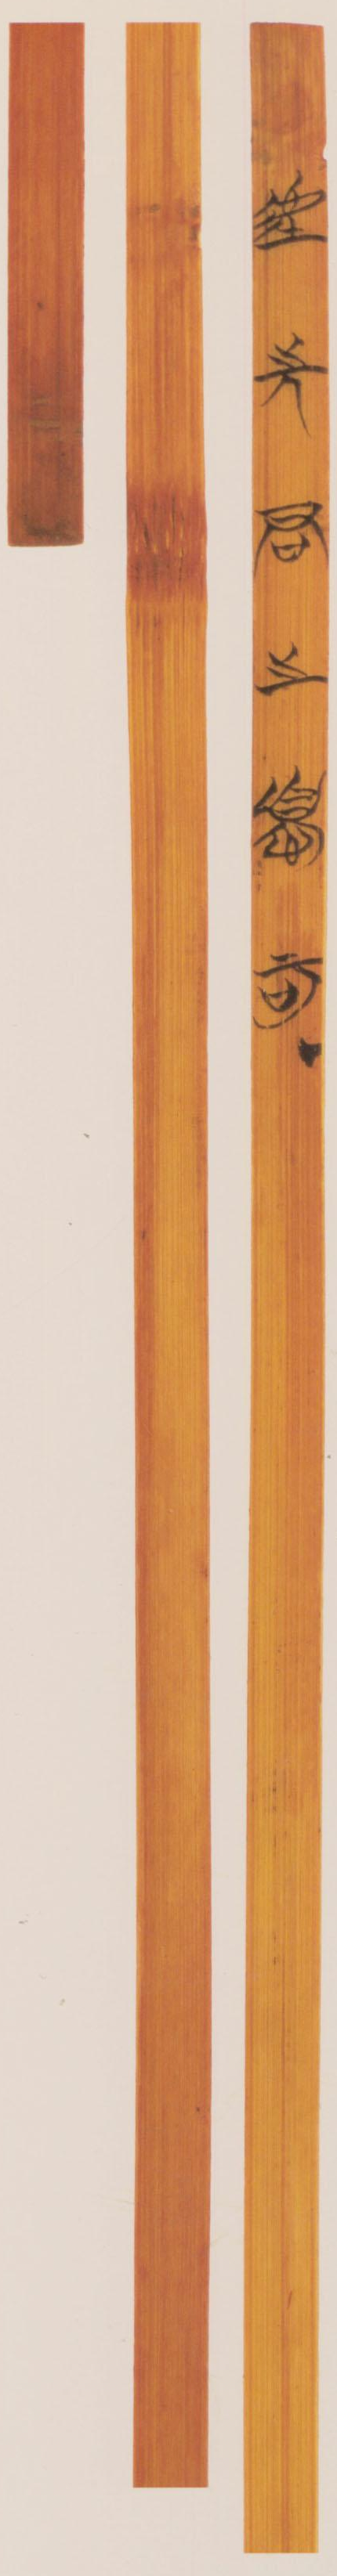𫊟先君之𢝊可
